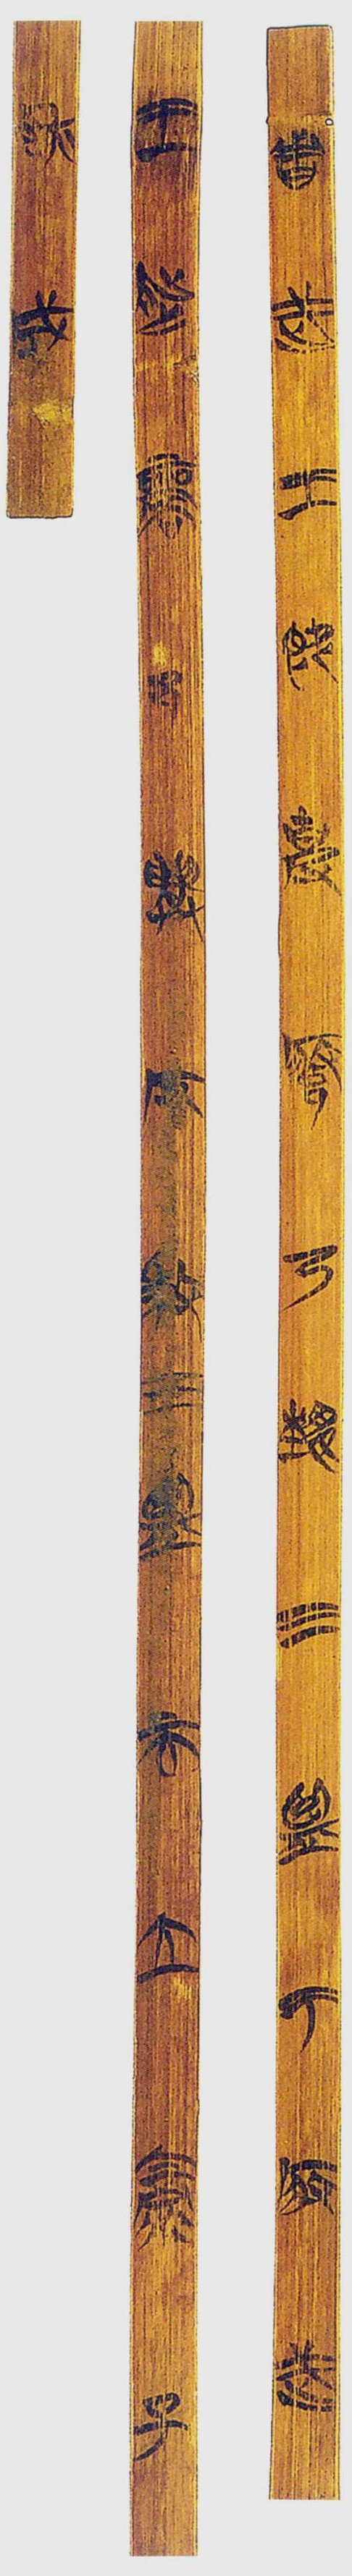周武王既尅{殷邑}乃埶三監于殷武王陟商邑興反殺三監而立{宀彔}子耿成
